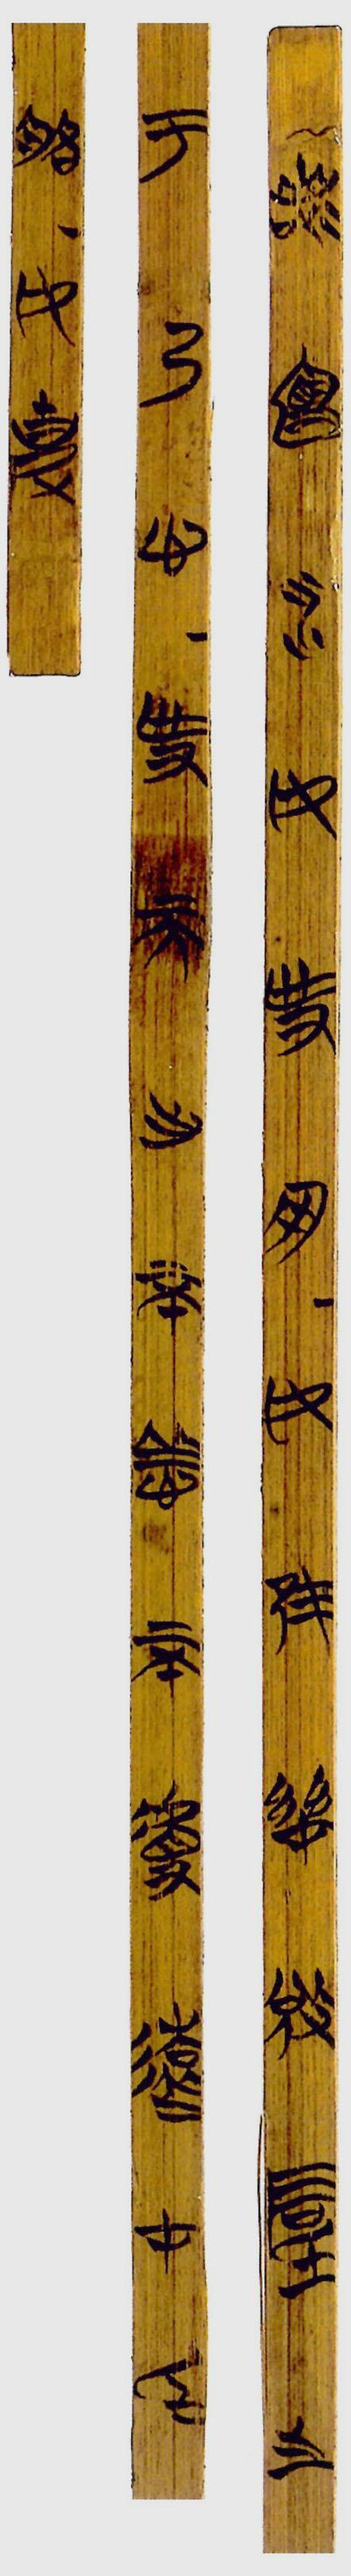若{囗馬}水女拃（作）舟女隹𪪋（哉）敓（說）砥之于乃心拃（作）天出不恙不虘B遠才氒胳女尅
